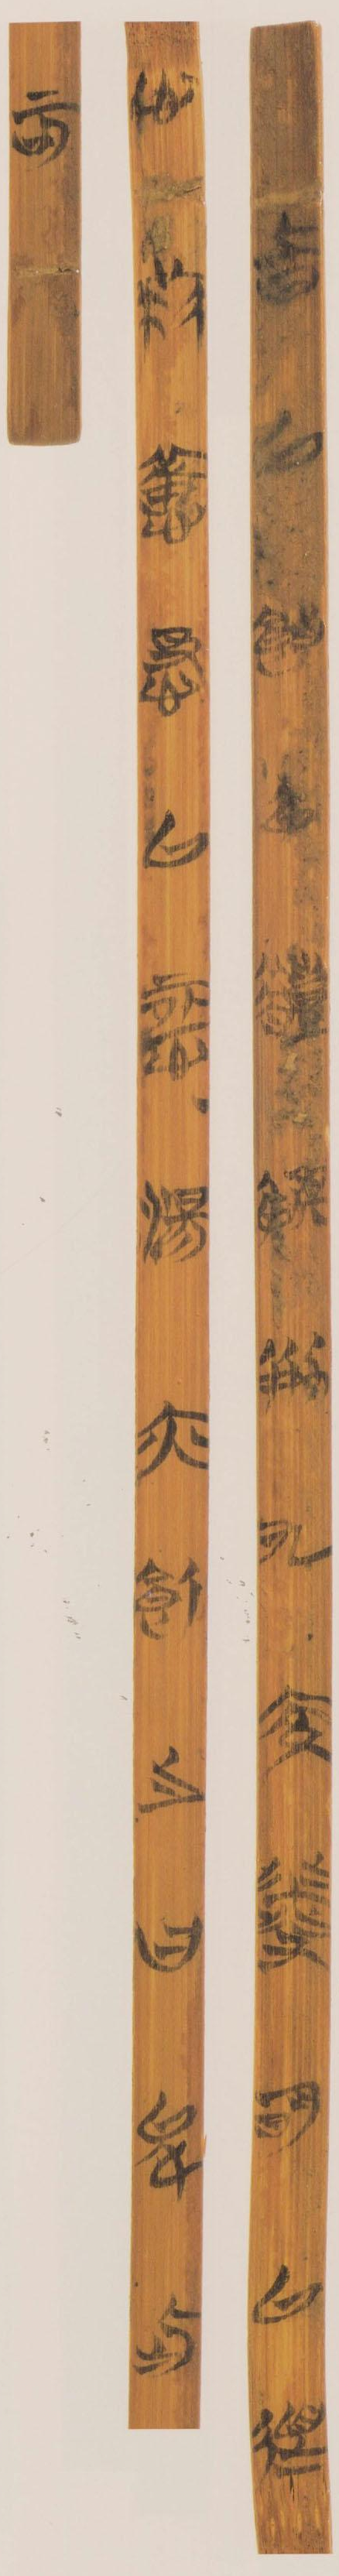旨㠯（以）飿身體{身巽}㔙九窔發明㠯（以）道心𠍳惜快㠯（以）{亙心}湯亦飤之曰允此可
